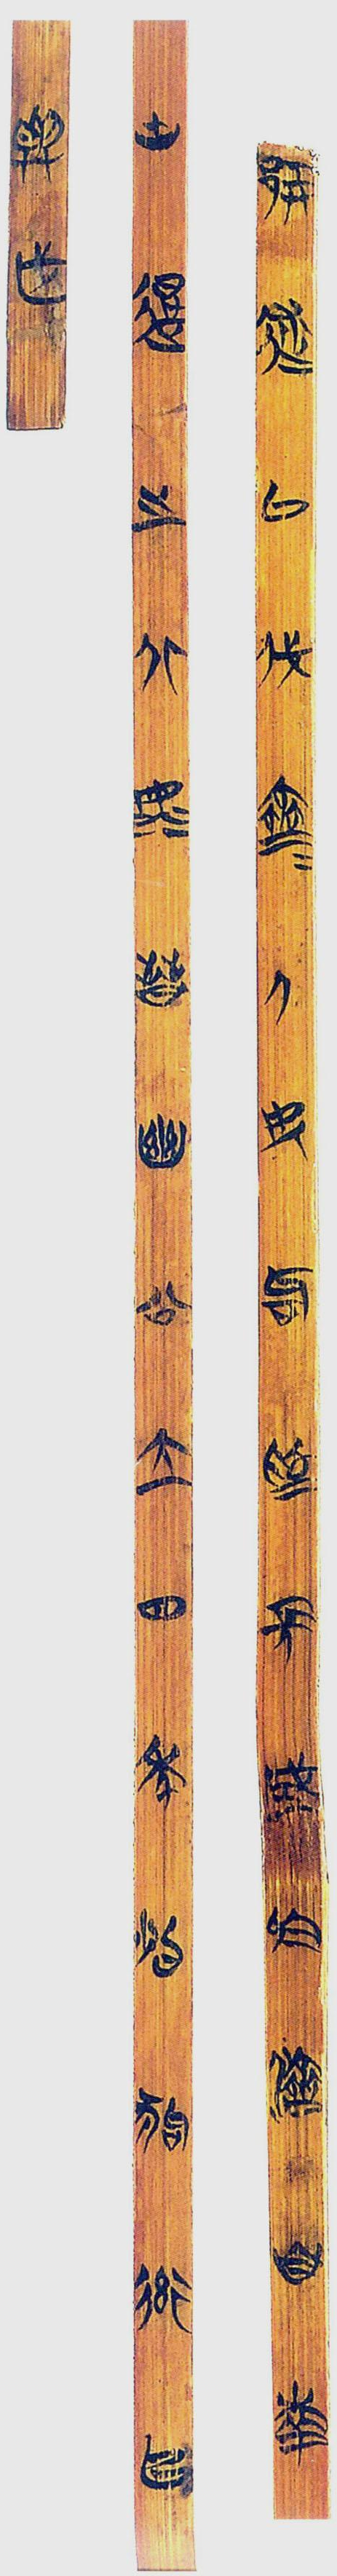{邑工廾}述㠯（以）伐齊=人𡚦{㠯ㅋ}爲長城於濟自南山逗之北{水母}晉幽公立四年{少勺}狗率𠂤與戉
